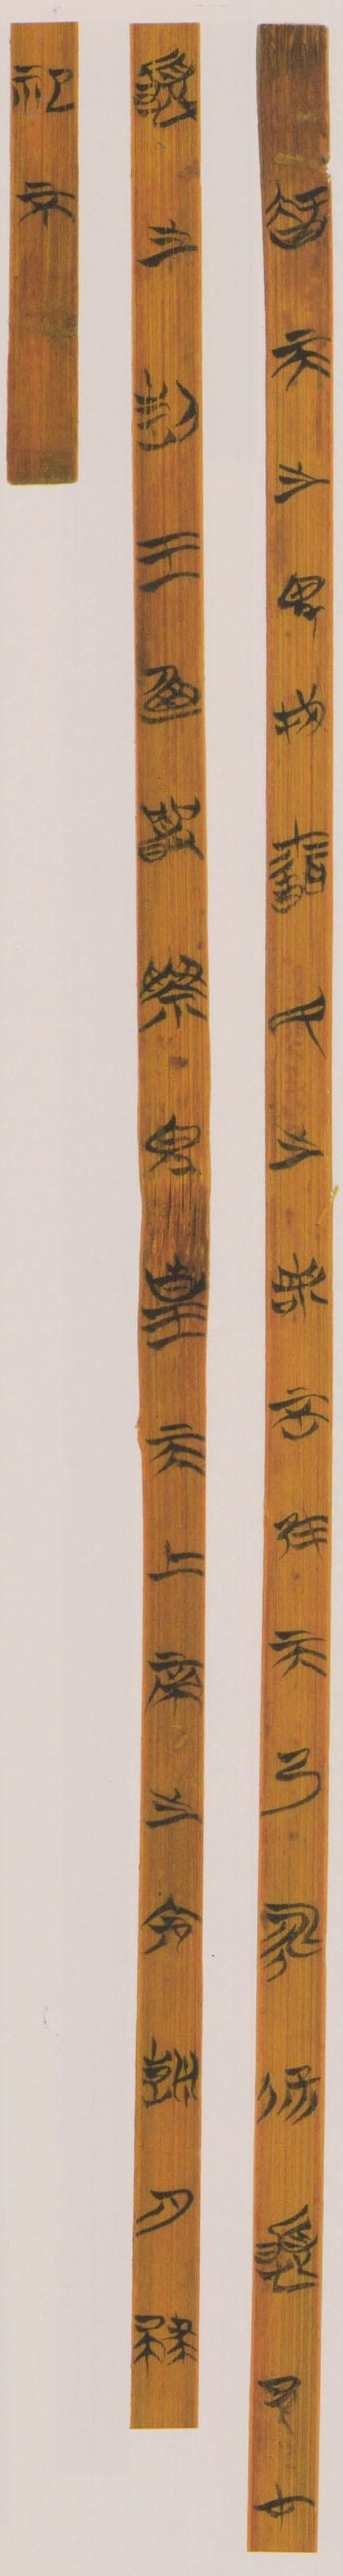智天之畏{十戈}{尒䎽}民之若否隹天乃永保{日又頁}邑才{日又頁}之{屮二屮刀}王廼嚴{示寅}畏皇天上帝之命朝夕{㣇聿}祀不
